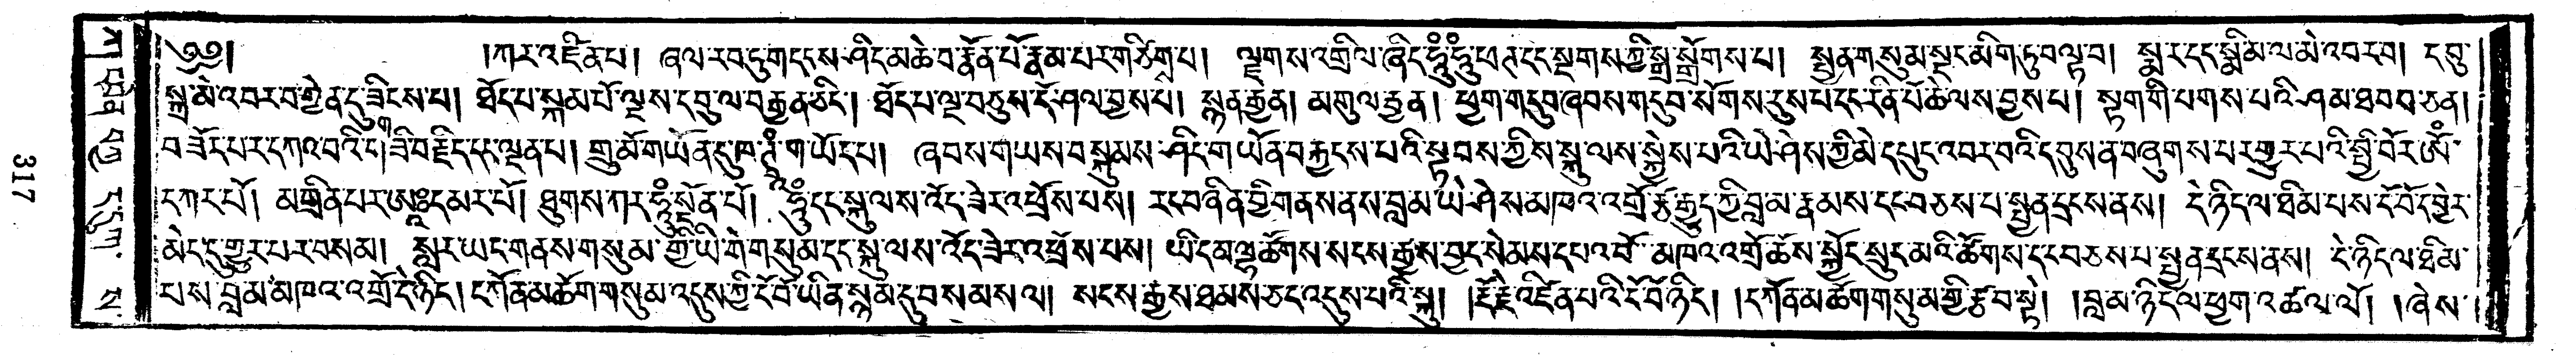༄༅། །ཀར་འཛིན་པ། ཞལ་རབ་ཏུ་གདངས་ཤིང་མཆེ་བ་རྣོན་པོ་རྣམ་པར་གཙིགས་པ། ལྗགས་འགྲིལ་ཞིང་ཧཱུཾ་ཧཱུཾ་ཕཊ་དང་སྔགས་ཀྱི་སྒྲ་སྒྲོགས་པ། སྤྱན་གསུམ་སྡང་མིག་ཏུ་བལྟ་བ། སྨ་ར་དང་སྨི་མ་ལ་མེ་འབར་བ། དབུ་
སྐྲ་མེ་འབར་བ་གྱེན་དུ་ཟིངས་པ། ཐོད་པ་སྐམ་པོ་ལྔས་དབུ་ལ་བརྒྱན་ཅིང་། ཐོད་པ་ལྔ་བཅུས་དོ་ཤལ་བྱས་པ། སྙན་རྒྱན། མགུལ་རྒྱན། ཕྱག་གདུབ་ཞབས་གདུབ་སོགས་རུས་པ་དང་རིན་པོ་ཆེ་ལས་བྱས་པ། སྟག་གི་པགས་པའི་ཤམ་ཐབ་བ་ཅན།
བཟོད་པར་དཀའ་བའི་གཟི་བརྗིད་དང་ལྡན་པ། གྲུ་མོ་གཡོན་དུ་ཁ་ཊྭཱཾ་ག་ཡོད་པ། ཞབས་གཡས་བསྐུམས་ཤིང་གཡོན་བརྐྱངས་པའི་སྟབས་ཀྱིས་སྐུ་ལས་སྐྱེས་པའི་ཡེ་ཤེས་ཀྱི་མེ་དཔུང་འབར་བའི་དབུས་ན་བཞུགས་པར་གྱུར་པའི་སྤྱི་བོར་ཨོཾ་
དཀར་པོ། མགྲིན་པར་ཨཱཿ དམར་པོ། ཐུགས་ཀར་ཧཱུཾ་སྔོན་པོ། ཧཱུཾ་དང་སྐུ་ལས་འོད་ཟེར་འཕྲོས་པས། རང་བཞིན་བྱི་གནས་ནས་བླ་མ་ཡེ་ཤེས་མཁའ་འགྲོ་རྩ་རྒྱུད་ཀྱི་བླ་མ་རྣམས་དང་བཅས་པ་སྤྱན་དྲངས་ནས། དེ་ཉིད་ལ་ཐིམ་པས་ངོ་བོ་དབྱེར་
མེད་དུ་གྱུར་པར་བསམ། སླར་ཡང་གནས་གསུམ་གྱི་ཡི་གེ་གསུམ་དང་སྐུ་ལས་འོད་ཟེར་འཕྲོས་པས། ཡི་དམ་ལྷ་ཚོགས་སངས་རྒྱས་བྱང་སེམས་དཔའ་བོ་མཁའ་འགྲོ་ཆོས་སྐྱོང་སྲུང་མའི་ཚོགས་དང་བཅས་པ་སྤྱན་དྲངས་ནས། དེ་ཉིད་ལ་ཐིམ་
པས་བླ་མ་མཁའ་འགྲོ་དེ་ཉིད། དཀོན་མཆོག་གསུམ་འདུས་ཀྱི་ངོ་བོ་ཡིན་སྙམ་དུ་བསམས་ལ། སངས་རྒྱས་ཐམས་ཅད་འདུས་པའི་སྐུ། །རྡོ་རྗེ་འཛིན་པའི་ངོ་བོ་ཉིད། །དཀོན་མཆོག་གསུམ་གྱི་རྩ་བ་སྟེ། །བླ་མ་ཉིད་ལ་ཕྱག་འཚལ་ལོ། །ཞེས་